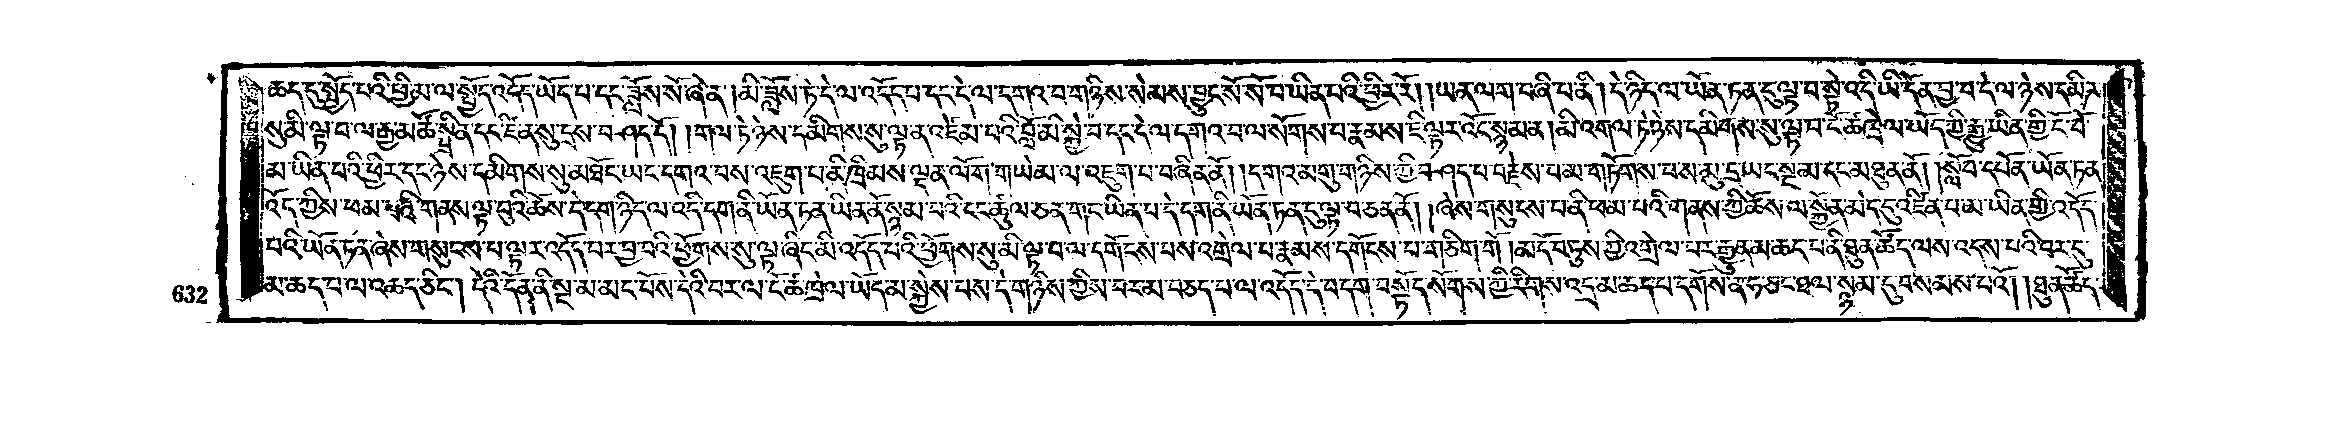ཆད་དུ་སྤྱོད་པའི་ཕྱི་མ་ལ་སྤྱོད་འདོད་ཡོད་པ་དང་ཟློས་སོ་ཞེ་ན། མི་ཟློས་ཏེ་དེ་ལ་འདོད་པ་དང་དེ་ལ་དགའ་བ་གཉིས་སེམས་བྱུང་སོ་སོ་བ་ཡིན་པའི་ཕྱིར་རོ། །ཡན་ལག་བཞི་པ་ནི། དེ་ཉིད་ལ་ཡོན་ཏན་དུ་ལྟ་བ་སྟེ་འདི་ཡི་དོན་བྱ་བ་དེ་ལ་ཉེས་དམིགས་
སུ་མི་ལྟ་བ་ལ་རྒྱ་མཚོ་སྤྲིན་དང་ཛི་ན་སུ་དྲས་བཤད་དོ། །གལ་ཏེ་ཉེས་དམིགས་སུ་ལྟ་ན་འཛེམ་པའི་བློ་མི་སྐྱེ་བ་དང་དེ་ལ་དགའ་བ་ལ་སོགས་པ་རྣམས་ཇི་ལྟར་འོང་སྙམ་ན། མི་འགལ་ཏེ་ཉེས་དམིགས་སུ་ལྟ་བ་ངོ་ཚ་ཁྲེལ་ཡོད་ཀྱི་རྒྱུ་ཡིན་གྱི་ངོ་བོ་
མ་ཡིན་པའི་ཕྱིར་དང་ཉེས་དམིགས་སུ་མཐོང་ཡང་དགའ་བས་འཇུག་པ་ནི་ཁྲིམས་ལྡན་ལོག་གཡེམ་ལ་འཇུག་པ་བཞིན་ནོ། །དགའ་མགུ་གཉིས་ཀྱི་བཤད་པ་བརྗེས་པ་མ་གཏོགས་པ་ས་མུ་དྲ་ཡང་སྔ་མ་དང་མཐུན་ནོ། །སློབ་དཔོན་ཡོན་ཏན་
འོད་ཀྱིས་ཕམ་པའི་གནས་ལྟ་བུའི་ཆོས་དེ་དག་ཉིད་ལ་འདི་དག་ནི་ཡོན་ཏན་ཡིན་ནོ་སྙམ་པའི་ངང་ཚུལ་ཅན་གང་ཡིན་པ་དེ་དག་ནི་ཡོན་ཏན་དུ་ལྟ་བ་ཅན་ནོ། །ཞེས་གསུངས་པ་ནི་ཕ་མ་པའི་གནས་ཀྱི་ཆོས་ལ་སྐྱོན་མེད་དུ་འཛིན་པ་མ་ཡིན་གྱི་འདོད་
པའི་ཡོན་ཏན་ཞེས་གསུངས་པ་ལྟར་འདོད་པར་བྱ་བའི་ཕྱོགས་སུ་ལྟ་ཞིང་མི་འདོད་པའི་ཕྱོགས་སུ་མི་ལྟ་བ་ལ་དགོངས་པས་འགྲེལ་པ་རྣམས་དགོངས་པ་གཅིག་གོ །མདོ་བཏུས་ཀྱི་འགྲེལ་པར་རྒྱུན་མ་ཆད་པ་ནི་ཐུན་ཚོད་ལས་འདས་པའི་བར་དུ་
མ་ཆད་པ་ལ་འཆད་ཅིང་། དེའི་དོན་ནི་སྔ་མ་མང་པོས་དེའི་བར་ལ་ངོ་ཚ་ཁྲེལ་ཡོད་མ་སྐྱེས་པས་དེ་གཉིས་ཀྱིས་བར་མ་བཅད་པ་ལ་འདོད་དེ་བདག་བསྟོད་སོགས་ཀྱི་རིགས་འདྲ་མ་ཆད་པ་དགོས་ན་ཧ་ཅང་ཐལ་སྙམ་དུ་བསམས་པའོ། །ཐུན་ཚོད་